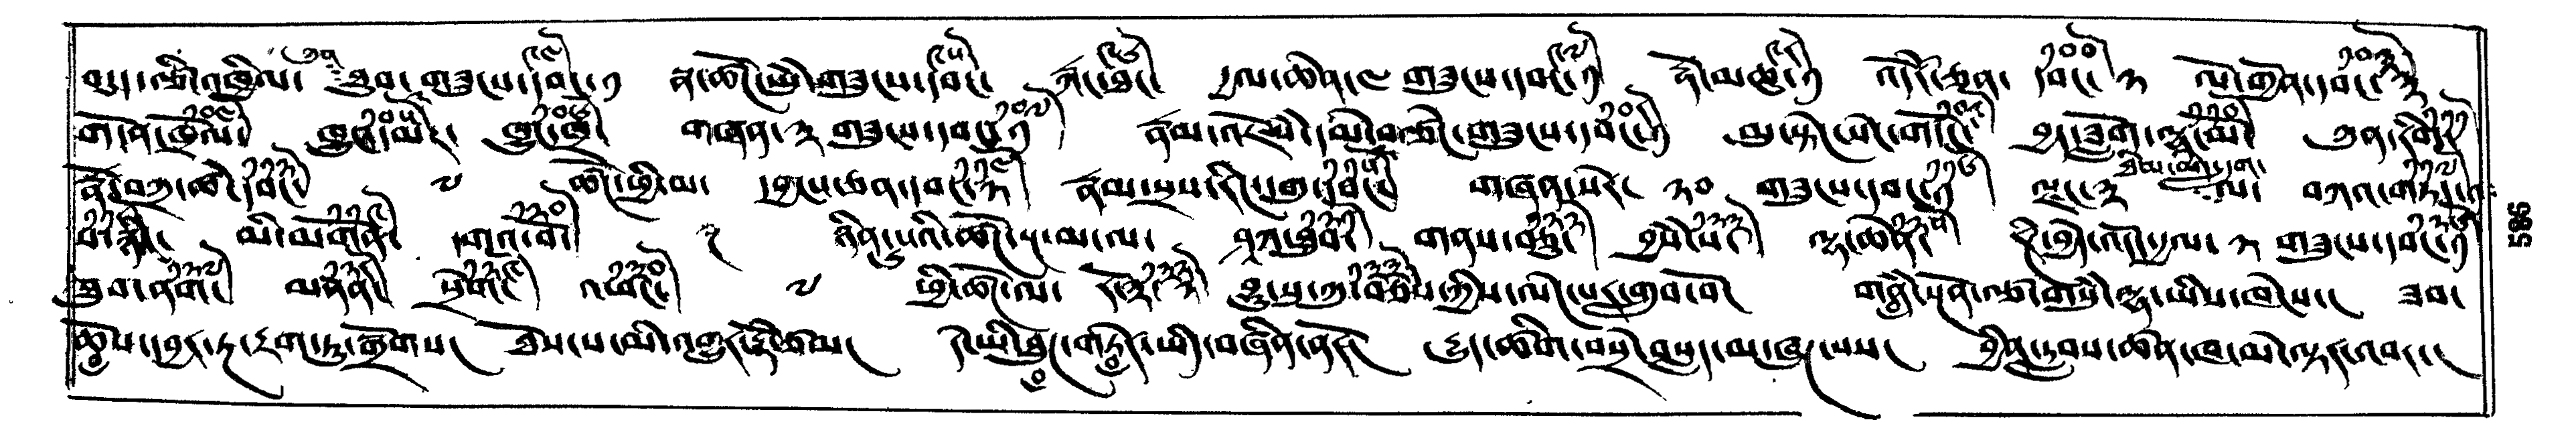བདུད་རྩི་འཁྱིལ། ཀུན་ཐུབ་བཟུངས་དབང་༩༤༡ སྣ་ཚོགས་ཡུམ་གཟུངས་དབང་༩༥ རྐང་ཐང་༩༦༽ རྒྱལ་ཆེན་༤ གཟུངས་དབང་༩༧༽ རྡོ་མཆུ་༡༩༨༽ འོད་ཟེར་ཅན། དབང་༢༡༠༠༽ ལོ་གྱོན་དབང་༡༠༣༽ 
གདོན་ཁྲོལ༡༠༤༽ ཁྱུང་དམར༡༠༥༽ ཁྱུང་ཁྲ་༡༠༦༽ གཞན་༣་གཟུངས་དབང་༡༠༧༽ རྣམ་འཇོམས་དམེ་བརྩེགས་གཟུངས་དབང་༡༡༠༨༽ མུ་སྟེགས་སེང་གདོང་༡༠༩། བྱད་ཟློག་ལྷ་མོ༡༡༠༽ ཀུན་རིག་༡༡༡༽ 
རྣམ་བཀྲ་ཚེ་དབང་༡༡༢༽ ༧ ཚོགས་ཕྱི་མ། དབྱངས་ཅན་དབང་༢༡༡༤༽རྣམ་སྲས་རིགས་དགུ་དབང་།༡༡༥༽ གཞན་སེར་༢༠་གཟུངས་དབང་༡༡༡༦༽ ལྗང་༣ ཐེམ་མེད་དྲུགལ། བཀའ་གཏད་༡་
ས་སྙིང་།༡༡༨༽ མི་མགོན༡༡༡༩༽ དགའ་བོ༡༢༠༽ ཉིན་རྦུག་པའི་ཚོགས་སྔ་མ་ལ། ཤཱཀ་ཐུབ་༡༢༡༽ གནས་བཅུ༡༢༢༽ བྱམས་པ་༡༢༣༽ ལྷ་ཆེན༡༢༥༽ རིགས་བྱེད་འདོད་རྒྱལ། ༢ གཟུངས་དབང་༡༡༢༦༽ 
ཐུག་ནག་༡༢༧༽ མནན༡༢༨༽ སྲེག་༡༢༩༽ འཕང་༡༣༠༽ ༧ ཕྱི་ཚོགས་ལ། རོ་༣༡༣༢༽ ༢ བྷུ་སུ་ཀུ་བཅས་༡༣༣༽ཀྱིས་ལེགས་པར་གྲུབ་བོ། གན༵ས་སྔོན་རྩ་གསུམ་ལྷ་ཡིས་ཁེངས། །ཟབ་
ཆོྃས་དབྱར་རྔ་རྟག་ཏུ་སྒྲོགས། །ཐོས་པ་མི་འགྱུར་རྡོ་རྗེ་ཙམ། དེ་ཡི་ཐུགྃས་གཏེརྃ་་ཡིད་བཞིན་ནོར། རྒྱུད་ཚིག་བསྲེ་བསླད་མ་ཞུགས་པས། །བྱིན་རླབས་ཚན་ཁ་མེ་ལྟར་འབར།